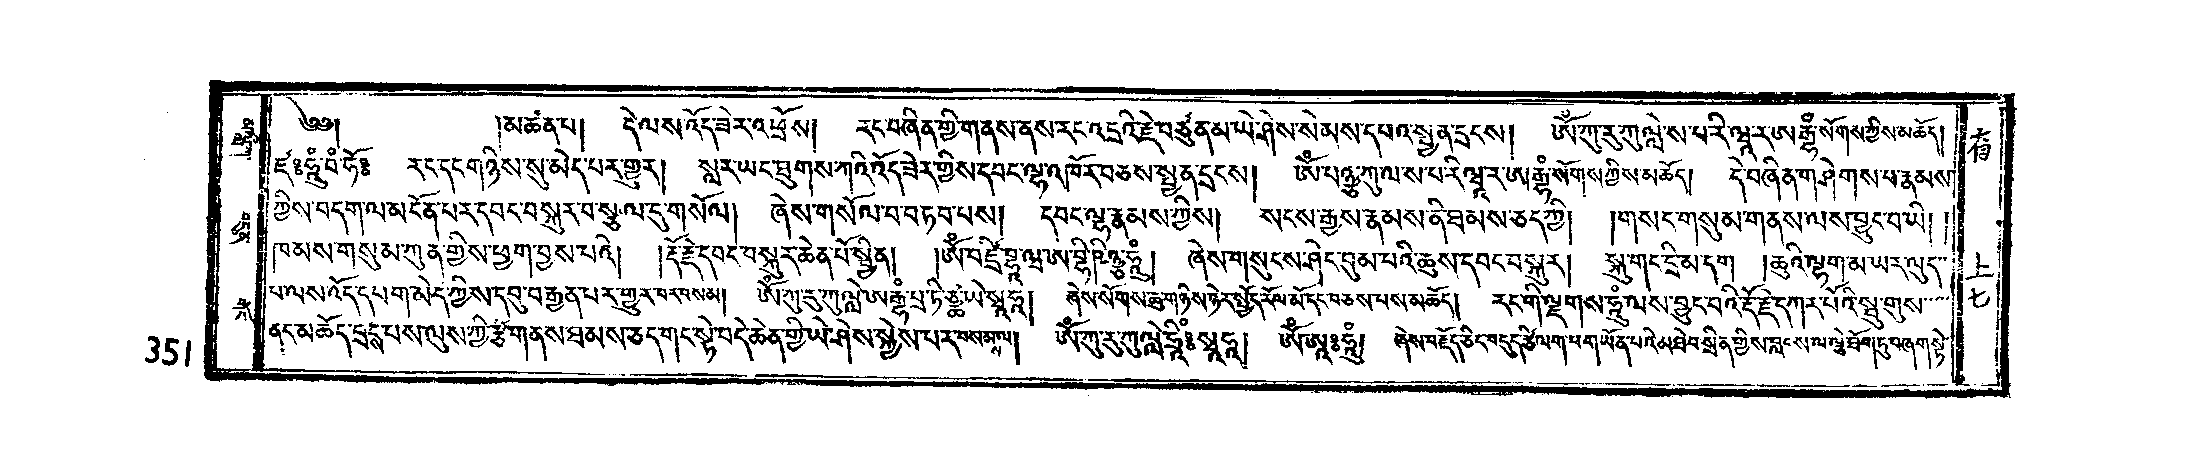༄༅། །མཚན་པ། དེ་ལས་འོད་ཟེར་འཕྲོས། རང་བཞིན་གྱི་གནས་ནས་རང་འདྲའི་རྗེ་བཙུན་མ་ཡེ་ཤེས་སེམས་དཔའ་སྤྱན་དྲངས། ཨོཾ་ཀུ་རུ་ཀུ་ལླེ་ས་པ་རི་ཝཱ་ར་ཨརྒྷཾ་སོགས་ཀྱིས་མཆོད།
ཛཿ ཧཱུཾ་བཾ་ཧོཿ རང་དང་གཉིས་སུ་མེད་པར་གྱུར། སླར་ཡང་ཐུགས་ཀའི་འོད་ཟེར་གྱིས་དབང་ལྷ་འཁོར་བཅས་སྤྱན་དྲངས། ཨོཾ་པཉྩ་ཀུ་ལ་ས་པ་རི་ཝཱ་ར་ཨརྒྷཾ་སོགས་ཀྱིས་མཆོད། དེ་བཞིན་གཤེགས་པ་རྣམས་
ཀྱིས་བདག་ལ་མངོན་པར་དབང་བསྐུར་བ་སྩལ་དུ་གསོལ། ཞེས་གསོལ་བ་བཏབ་པས། དབང་ལྷ་རྣམས་ཀྱིས། སངས་རྒྱས་རྣམས་ནི་ཐམས་ཅད་ཀྱི། །གསང་གསུམ་གནས་ལས་བྱུང་བ་ཡི། །
ཁམས་གསུམ་ཀུན་གྱིས་ཕྱག་བྱས་པའི། །རྡོ་རྗེ་དབང་བསྐུར་ཆེན་པོ་སྦྱིན། །ཨོཾ་བྫྲི་བྷཱ་ཝ་ཨ་བྷི་ཥིཉྩ་ཧཱུཾ། ཞེས་གསུངས་ཤེང་བུམ་པའི་ཆུས་དབང་བསྐུར། སྐུ་གང་དྲི་མ་དག །ཆུའི་ལྷག་མ་ཡར་ལུད་
པ་ལས་འོད་དཔག་མེད་ཀྱིས་དབུ་བརྒྱན་པར་གྱུར་པར་བསམ། ཨོཾ་ཀུ་རུ་ཀུ་ལླེ་ཨརྒྷཾ་པྲ་ཏི་ཙྪ་ཡེ་སྭཱཧཱ། ཞེས་སོགས་ཆུ་གཉིས་ཉེར་སྤྱོད་རོལ་མོ་དང་བཅས་པས་མཆོད། རང་གི་ལྗགས་ཧཱུཾ་ལས་བྱུང་བའི་རྡོ་རྗེ་དཀར་པོའི་སྦུ་གུས་
ནང་མཆོད་དྲངས་པས་ལུས་ཀྱི་རྩ་གནས་ཐམས་ཅད་གང་སྟེ་བདེ་ཆེན་གྱི་ཡེ་ཤེས་སྐྱེས་པར་བསམས་ལ། ཨོཾ་ཀུ་རུ་ཀུ་ལླེ་ཧྲཱིཾཿ སྭཱཧཱ། ཨོཾ་ཨཱཿ ཧཱུཾ། ཞེས་བརྗོད་ཅིང་བདུད་རྩི་ལག་པ་གཡོན་པའི་མཐེབ་སྲིན་གྱིས་བླངས་ལ་ལྕེ་ཐོག་ཏུ་བཞག་སྟེ་